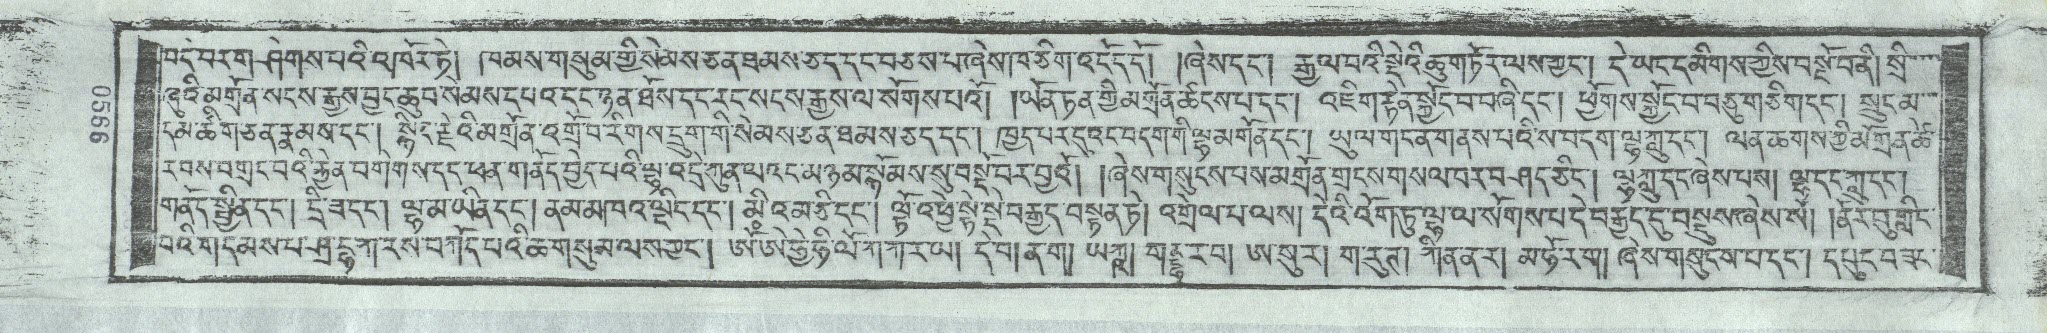བདེ་བར་གཤེགས་པའི་འཁོར་ཏེ། ཁམས་གསུམ་གྱི་སེམས་ཅན་ཐམས་ཅད་དང་བཅས་པ་ཞེས་ཁ་ཅིག་འདོད་དོ། །ཞེས་དང་། རྒྱལ་བའི་སྡེའི་ཆུ་གཏོར་ལས་ཀྱང་། དེ་ཡང་དམིགས་ཀྱིས་བསྔོ་བ་ནི། སྲི་
ཞུའི་མགྲོན་སངས་རྒྱས་བྱང་ཆུབ་སེམས་དཔའ་དང་ཉན་ཐོས་དང་རང་སངས་རྒྱས་ལ་སོགས་པའོ། །ཡོན་ཏན་གྱི་མགྲོན་ཚངས་པ་དང་། འཇིག་རྟེན་སྐྱོང་བ་བཞི་དང་། ཕྱོགས་སྐྱོང་བ་བཅུ་གཅིག་དང་། སྲུང་མ་
དམ་ཚིག་ཅན་རྣམས་དང་། སྙིང་རྗེའི་མགྲོན་འགྲོ་བ་རིགས་དྲུག་གི་སེམས་ཅན་ཐམས་ཅད་དང་། ཁྱད་པར་དུའང་བདག་གི་ལྷ་མགོན་དང་། ཡུལ་གང་ན་གནས་པའི་ས་བདག་ལྷ་ཀླུ་དང་། ལན་ཆགས་ཀྱི་མོ་གྲན་ཚེ་
རབས་བགྲང་པའི་རྐྱེན་བགེགས་དང་ཕན་གནོད་བྱེད་པའི་ལྷ་འདྲེ་ཀུན་ལའང་མཉམ་སྙོམས་སུ་བསྡོ་བར་བྱའོ། །ཞེས་གསུངས་པས་མགྲོན་གྲངས་གསལ་བར་བཤད་ཅིང་། ལྷ་ཀླུ་དང་ཞེས་པས། ལྷ་དང་ཀླུ་དང་།
གནོད་སྦྱིན་དང་། དྲི་ཟ་དང་། ལྷ་མ་ཡིན་དང་། ནམ་མཁའ་ལྡིང་དང་། མིའམ་ཅི་དང་། ལྟོ་འཕྱེ་སྟེ་སྡེ་བརྒྱད་བསྟན་ཏེ། འགྲེལ་པ་ལས། དེའི་འོག་ཏུ་ལྷ་ལ་སོགས་པ་དེ་བརྒྱད་དུ་བསྡུས་ཞེས་སོ། །ནོར་བུ་གླིང་
བའི་གདམས་པ་ཤྲ་དྷཀ་རས་བཀོད་པའི་ཆ་གསུམ་ལས་ཀྱང་། ཨོ་ཨེ་ཧྱེ་ཧི་ལོ་ཀ་ཀ་ར་ཡ། དེ་བ། ན་ག། ཡ་ཀྵ། གནྡྷ་རབ་བ། ཨ་སུ་ར། ག་རུཊ། ཀིན་ན་ར། མ་ཧོར་ག། ཞེས་གསུངས་པ་དང་། དཔུང་བཟང་